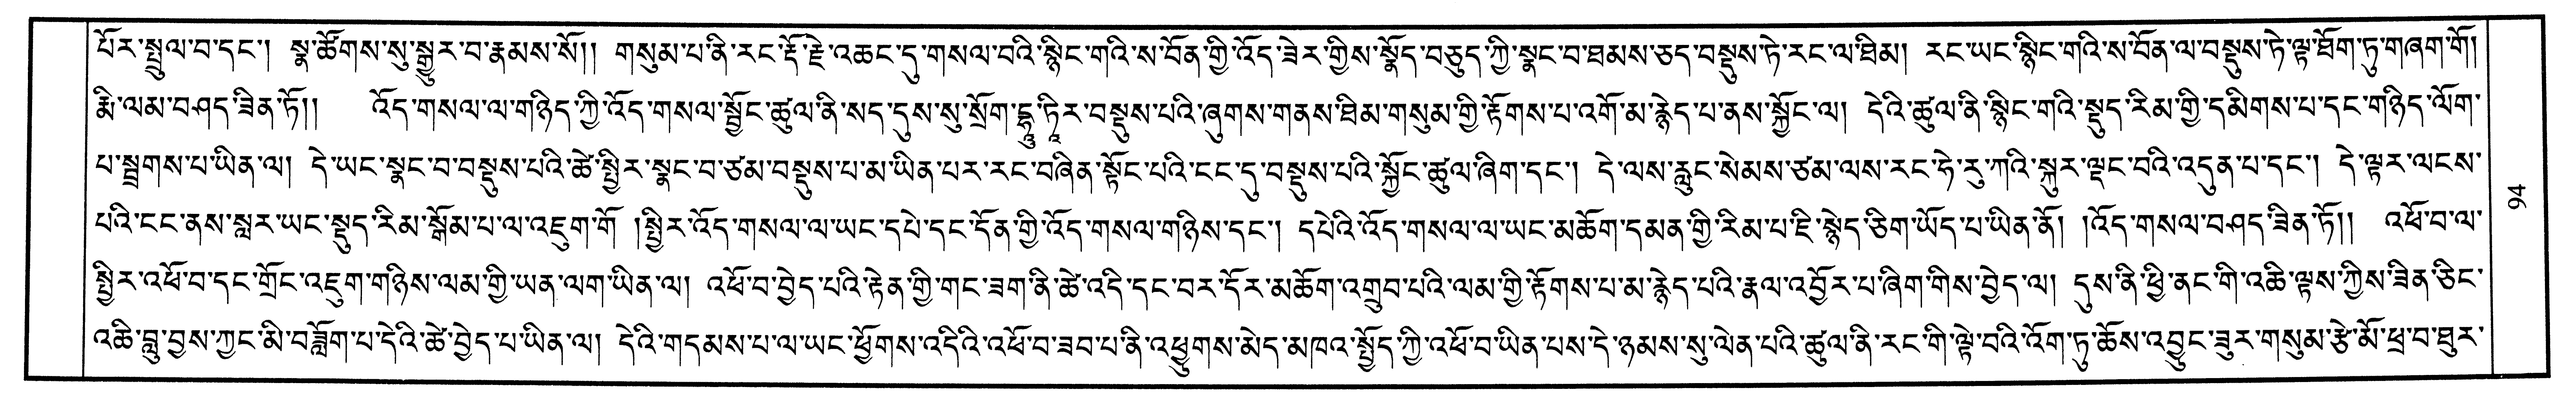པོར་སྤྲུལ་བ་དང་། སྣ་ཚོགས་སུ་སྒྱུར་བ་རྣམས་སོ།། གསུམ་པ་ནི་རང་རྡོ་རྗེ་འཆང་དུ་གསལ་བའི་སྙིང་གའི་ས་བོན་གྱི་འོད་ཟེར་གྱིས་སྣོད་བཅུད་ཀྱི་སྣང་བ་ཐམས་ཅད་བསྡུས་ཏེ་རང་ལ་ཐིམ། རང་ཡང་སྙིང་གའི་ས་བོན་ལ་བསྡུས་ཏེ་ལྟ་ཐོག་ཏུ་གཞག་གོ།
རྨི་ལམ་བཤད་ཟིན་ཏོ།། འོད་གསལ་ལ་གཉིད་ཀྱི་འོད་གསལ་སྦྱོང་ཚུལ་ནི་སད་དུས་སུ་སྲོག་དྷཱུ་ཏཱིར་བསྡུས་པའི་ཞུགས་གནས་ཐིམ་གསུམ་གྱི་རྟོགས་པ་འགོ་མ་རྙེད་པ་ནས་སྐྱོང་ལ། དེའི་ཚུལ་ནི་སྙིང་གའི་སྡུད་རིམ་གྱི་དམིགས་པ་དང་གཉིད་ལོག་
པ་སྦྲགས་པ་ཡིན་ལ། དེ་ཡང་སྣང་བ་བསྡུས་པའི་ཚེ་སྤྱིར་སྣང་བ་ཙམ་བསྡུས་པ་མ་ཡིན་པར་རང་བཞིན་སྟོང་པའི་ངང་དུ་བསྡུས་པའི་སྐྱོང་ཚུལ་ཞིག་དང་། དེ་ལས་རླུང་སེམས་ཙམ་ལས་རང་ཧེ་རུ་ཀའི་སྐུར་ལྡང་བའི་འདུན་པ་དང་། དེ་ལྟར་ལངས་
པའི་ངང་ནས་སླར་ཡང་སྡུད་རིམ་སྒོམ་པ་ལ་འཇུག་གོ །སྤྱིར་འོད་གསལ་ལ་ཡང་དཔེ་དང་དོན་གྱི་འོད་གསལ་གཉིས་དང་། དཔེའི་འོད་གསལ་ལ་ཡང་མཆོག་དམན་གྱི་རིམ་པ་ཇི་སྙེད་ཅིག་ཡོད་པ་ཡིན་ནོ། །འོད་གསལ་བཤད་ཟིན་ཏོ། འཕོ་བ་ལ་
སྤྱིར་འཕོ་བ་དང་གྲོང་འཇུག་གཉིས་ལམ་གྱི་ཡན་ལག་ཡིན་ལ། འཕོ་བ་བྱེད་པའི་རྟེན་གྱི་གང་ཟག་ནི་ཚེ་འདི་དང་བར་དོར་མཆོག་འགྲུབ་པའི་ལམ་གྱི་རྟོགས་པ་མ་རྙེད་པའི་རྣལ་འབྱོར་པ་ཞིག་གིས་བྱེད་ལ། དུས་ནི་ཕྱི་ནང་གི་འཆི་ལྟས་ཀྱིས་ཟིན་ཅིང་
འཆི་བླུ་བྱས་ཀྱང་མི་བཟློག་པ་དེའི་ཚེ་བྱེད་པ་ཡིན་ལ། དེའི་གདམས་པ་ལ་ཡང་ཕྱོགས་འདིའི་འཕོ་བ་ཟབ་པ་ནི་འཕྱུགས་མེད་མཁའ་སྤྱོད་ཀྱི་འཕོ་བ་ཡིན་པས་དེ་ཉམས་སུ་ལེན་པའི་ཚུལ་ནི་རང་གི་ལྟེ་བའི་འོག་ཏུ་ཆོས་འབྱུང་ཟུར་གསུམ་རྩེ་མོ་ཕྲ་བ་ཐུར་